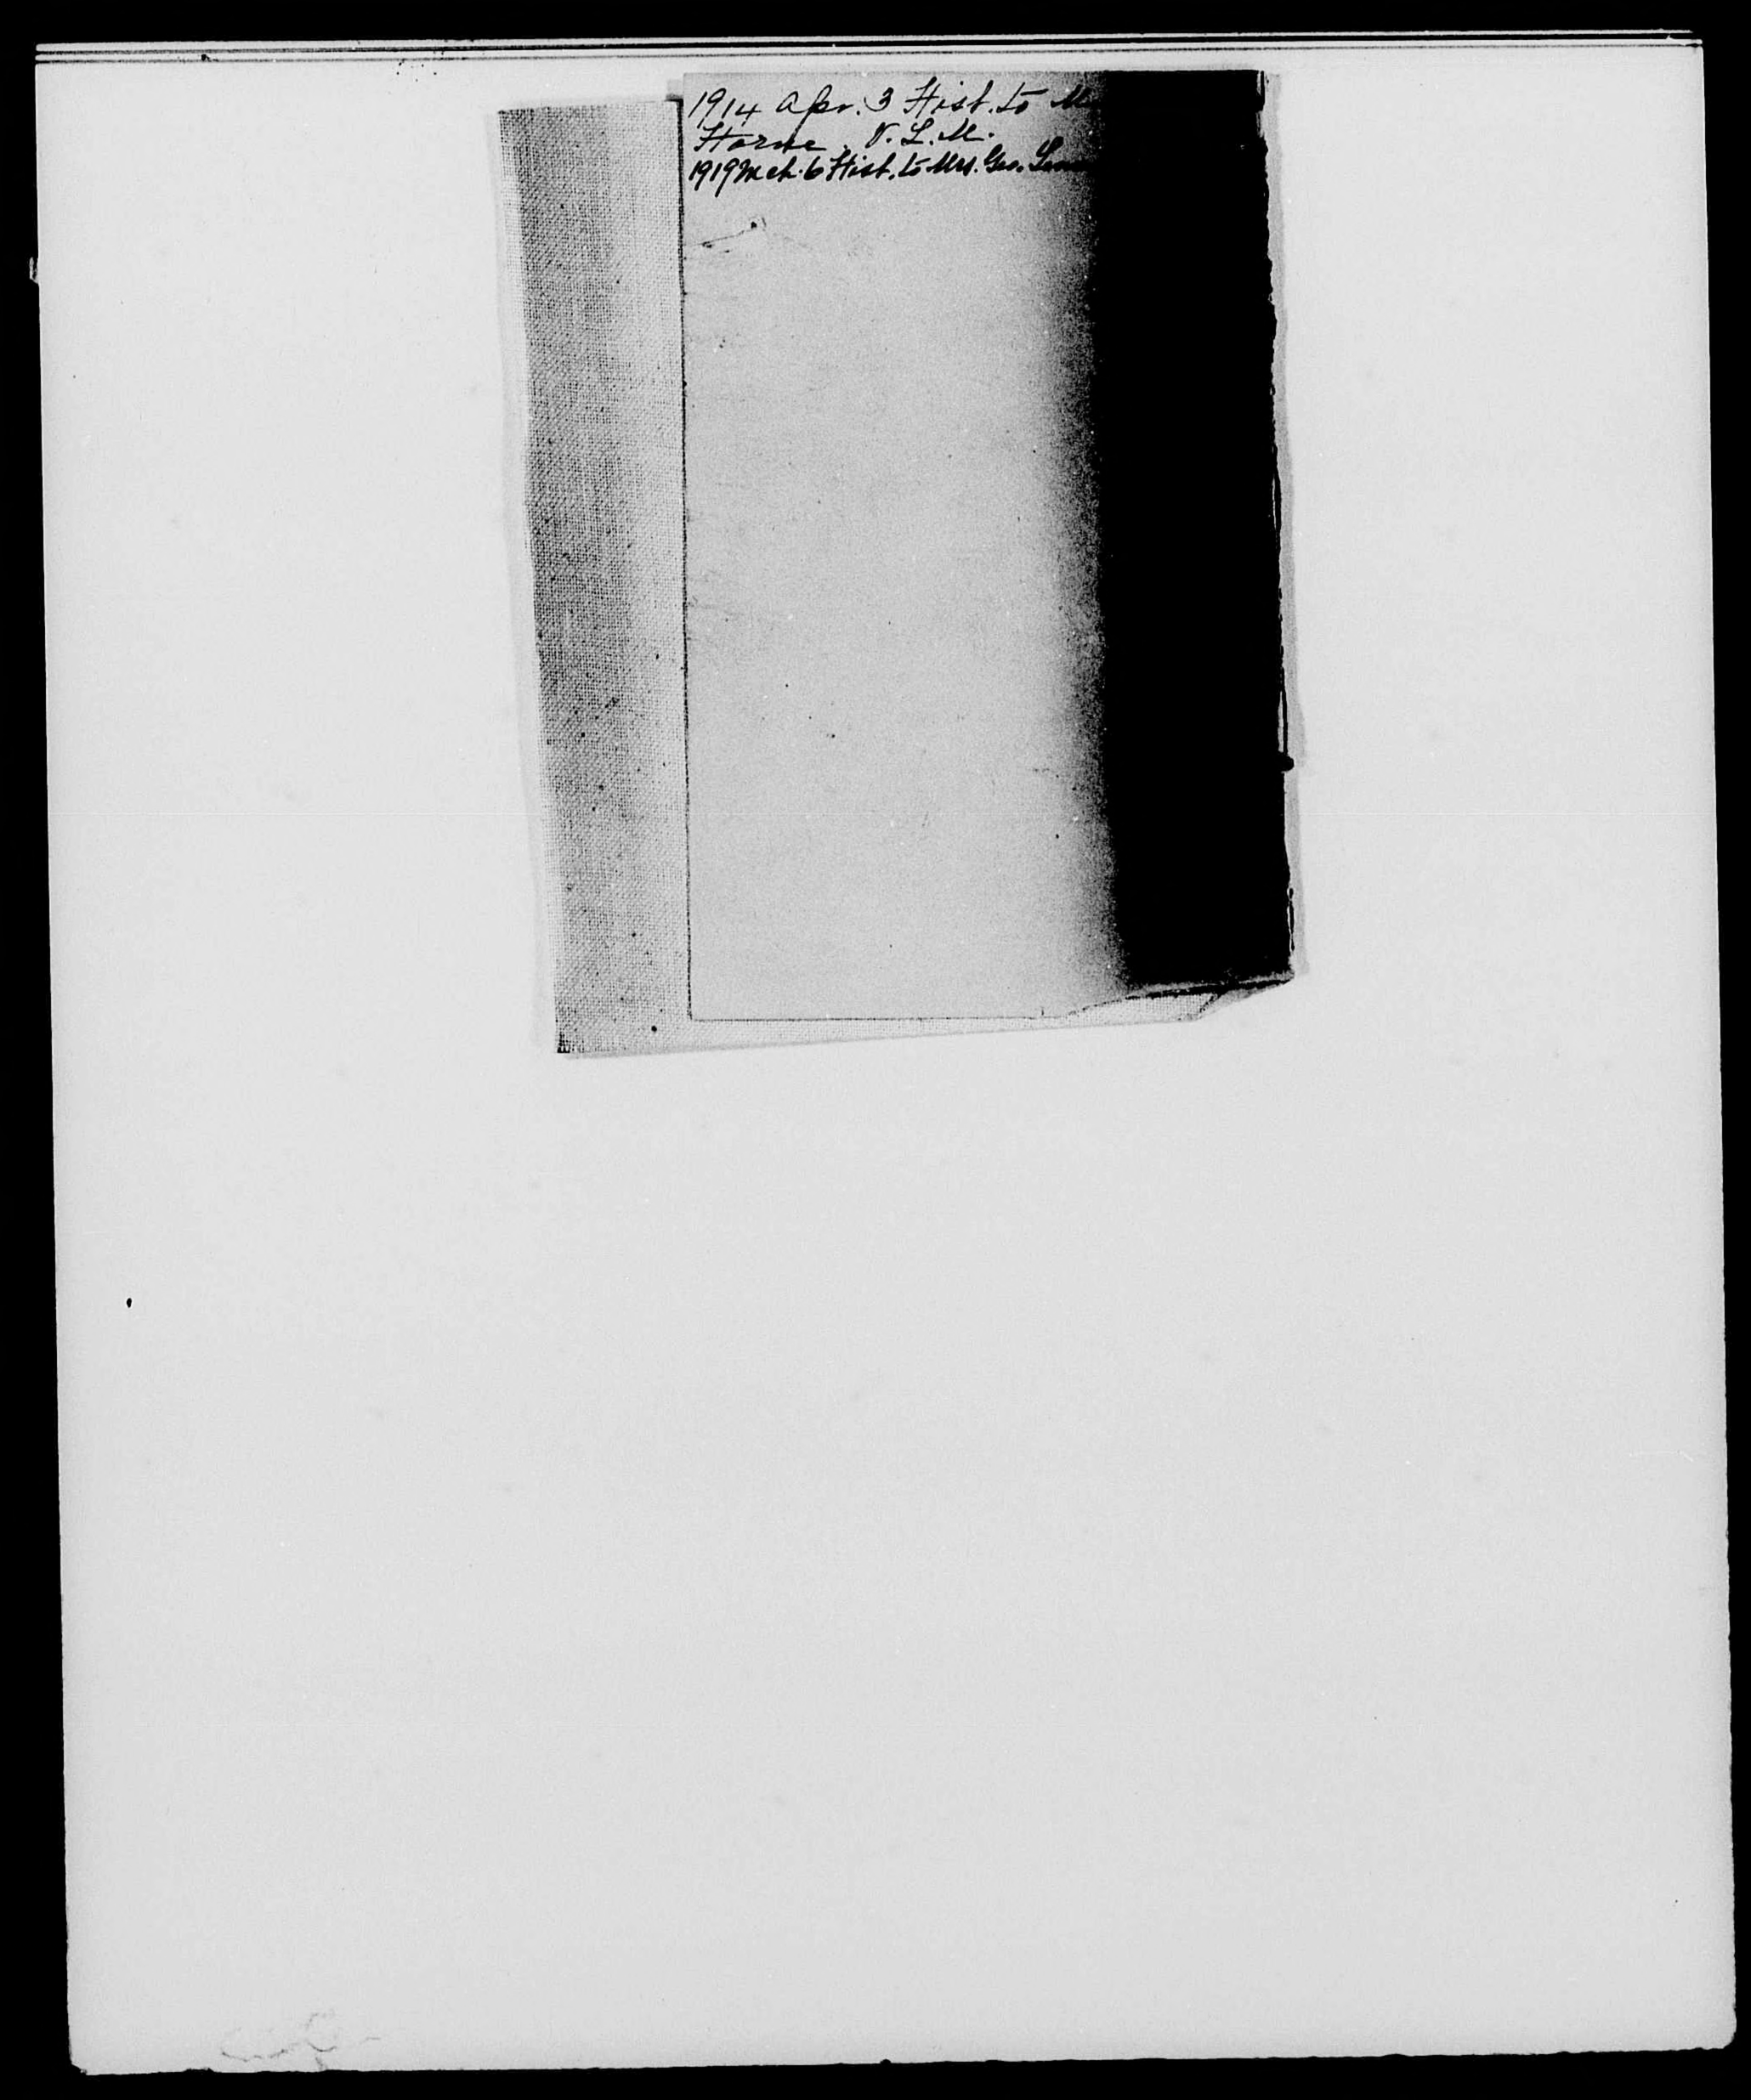1914 Apr. 3 Hist. to
Harne . J.L.U.
1919 Mch. 6 Hist to Mrs. {illegible}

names: Horne, Geo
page: 55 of 114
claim: widow's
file: W. 2115, Seth Hubbell, Conn.